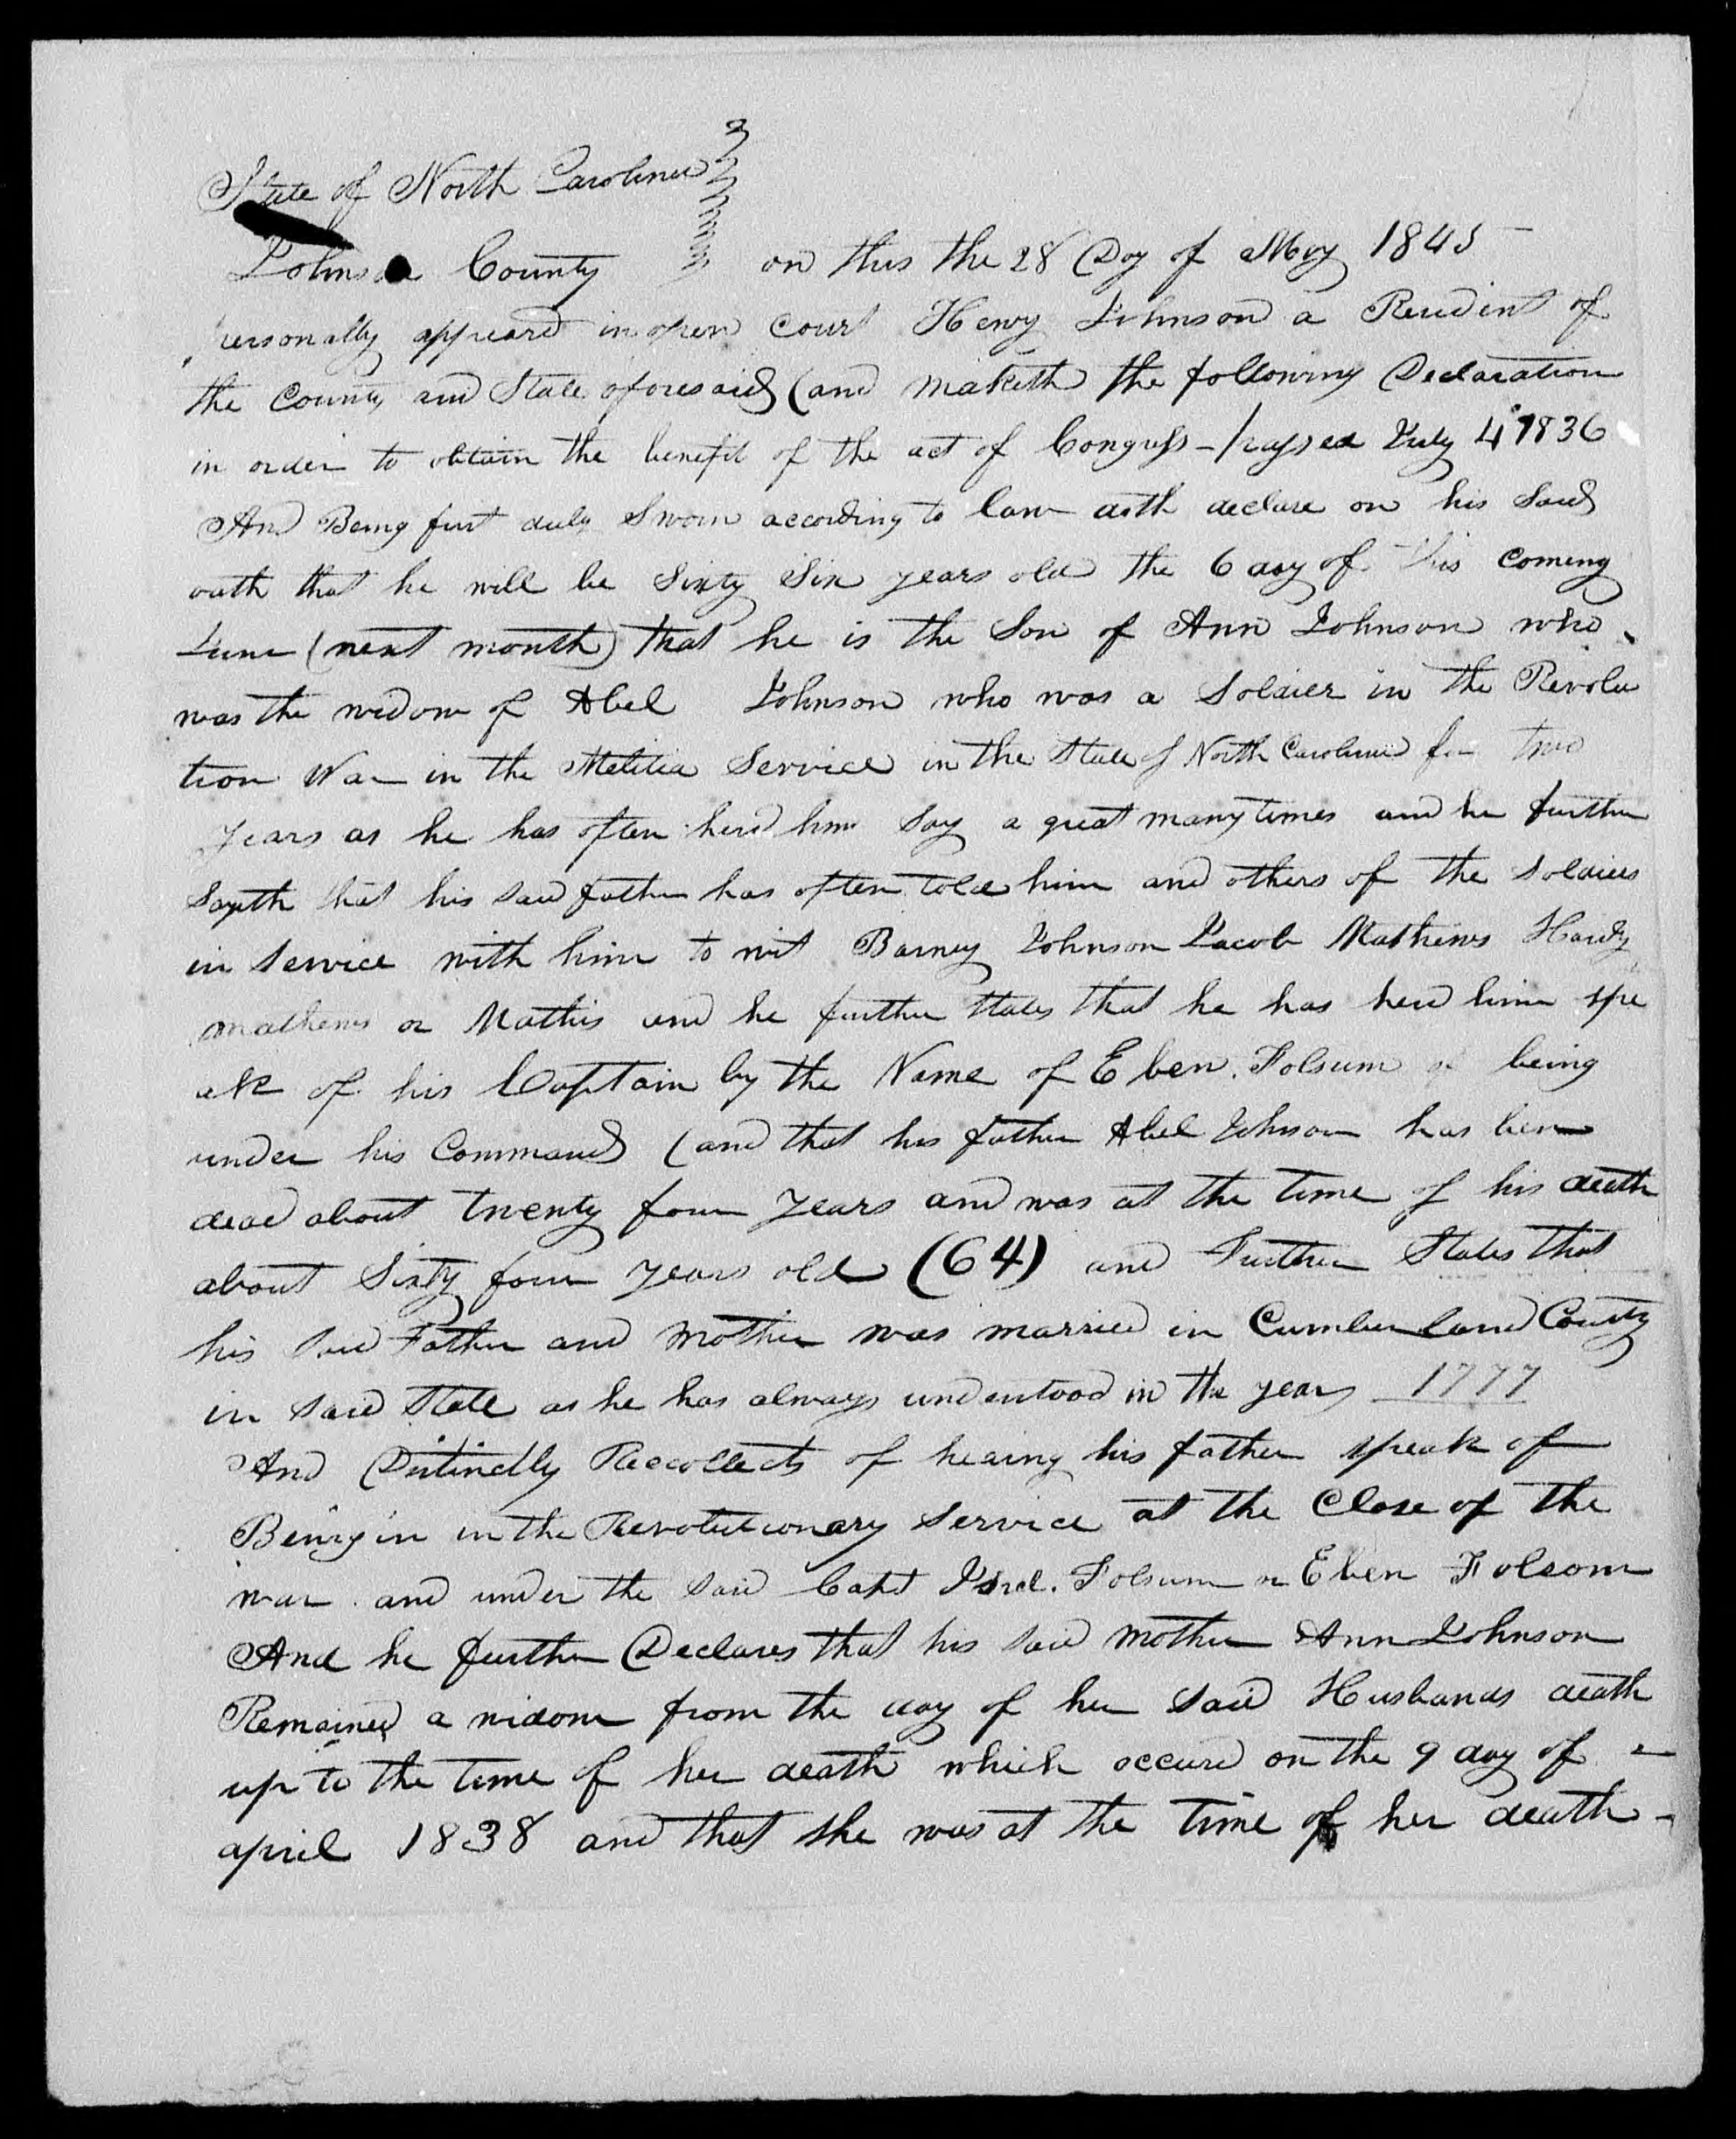State of North Carolina Johnston County On this day, the 28th of May 1845, personally appeared in open court Henry Johnson, a Resident of the County and State aforesaid (and made the following declaration in order to obtain the benefit of the act of Congress passed July 4 1836). And being first duly sworn according to law doth declare on his sworn oath that he will be sixty six years old the 6th day of the coming June (next month) that he is the son of Ann Johnson who was the widow of Abel Johnson who was a soldier in the Revolutionary War in the Militia Service in the State of North Carolina for two years as he has often heard him say a great many times and he further sayeth that his said father has often told him and others of the soldiers in service with him to wit: Barney Johnson, Jacob Mathews, Hardy Mathews or Mathis and he further states that he has heard herd him speak of his Captain by the Name of Eben. Folsum of being under his command (and that his father Abel Johnson has been dead about twenty four years and was at the time of his death about Sixty four years old (64) and further States that his said father and mother was married in Cumberland County in said State as he has always understood in the year 1777. And distinctly recollects of hearing his father speak of Being in the Revolutionary Service at the Close of the war and under the said Captain Isrel Folsum or Eben Folsum And he further Declares that his said mother Ann Johnson Remained a widow from the day of her said Husband’s death up to the time of her death which occurred on the 9 day of April 1838 and that she was at the time of her death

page: 8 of 74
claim: rejected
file: R. 5600, for Abel Johnson, North Carolina